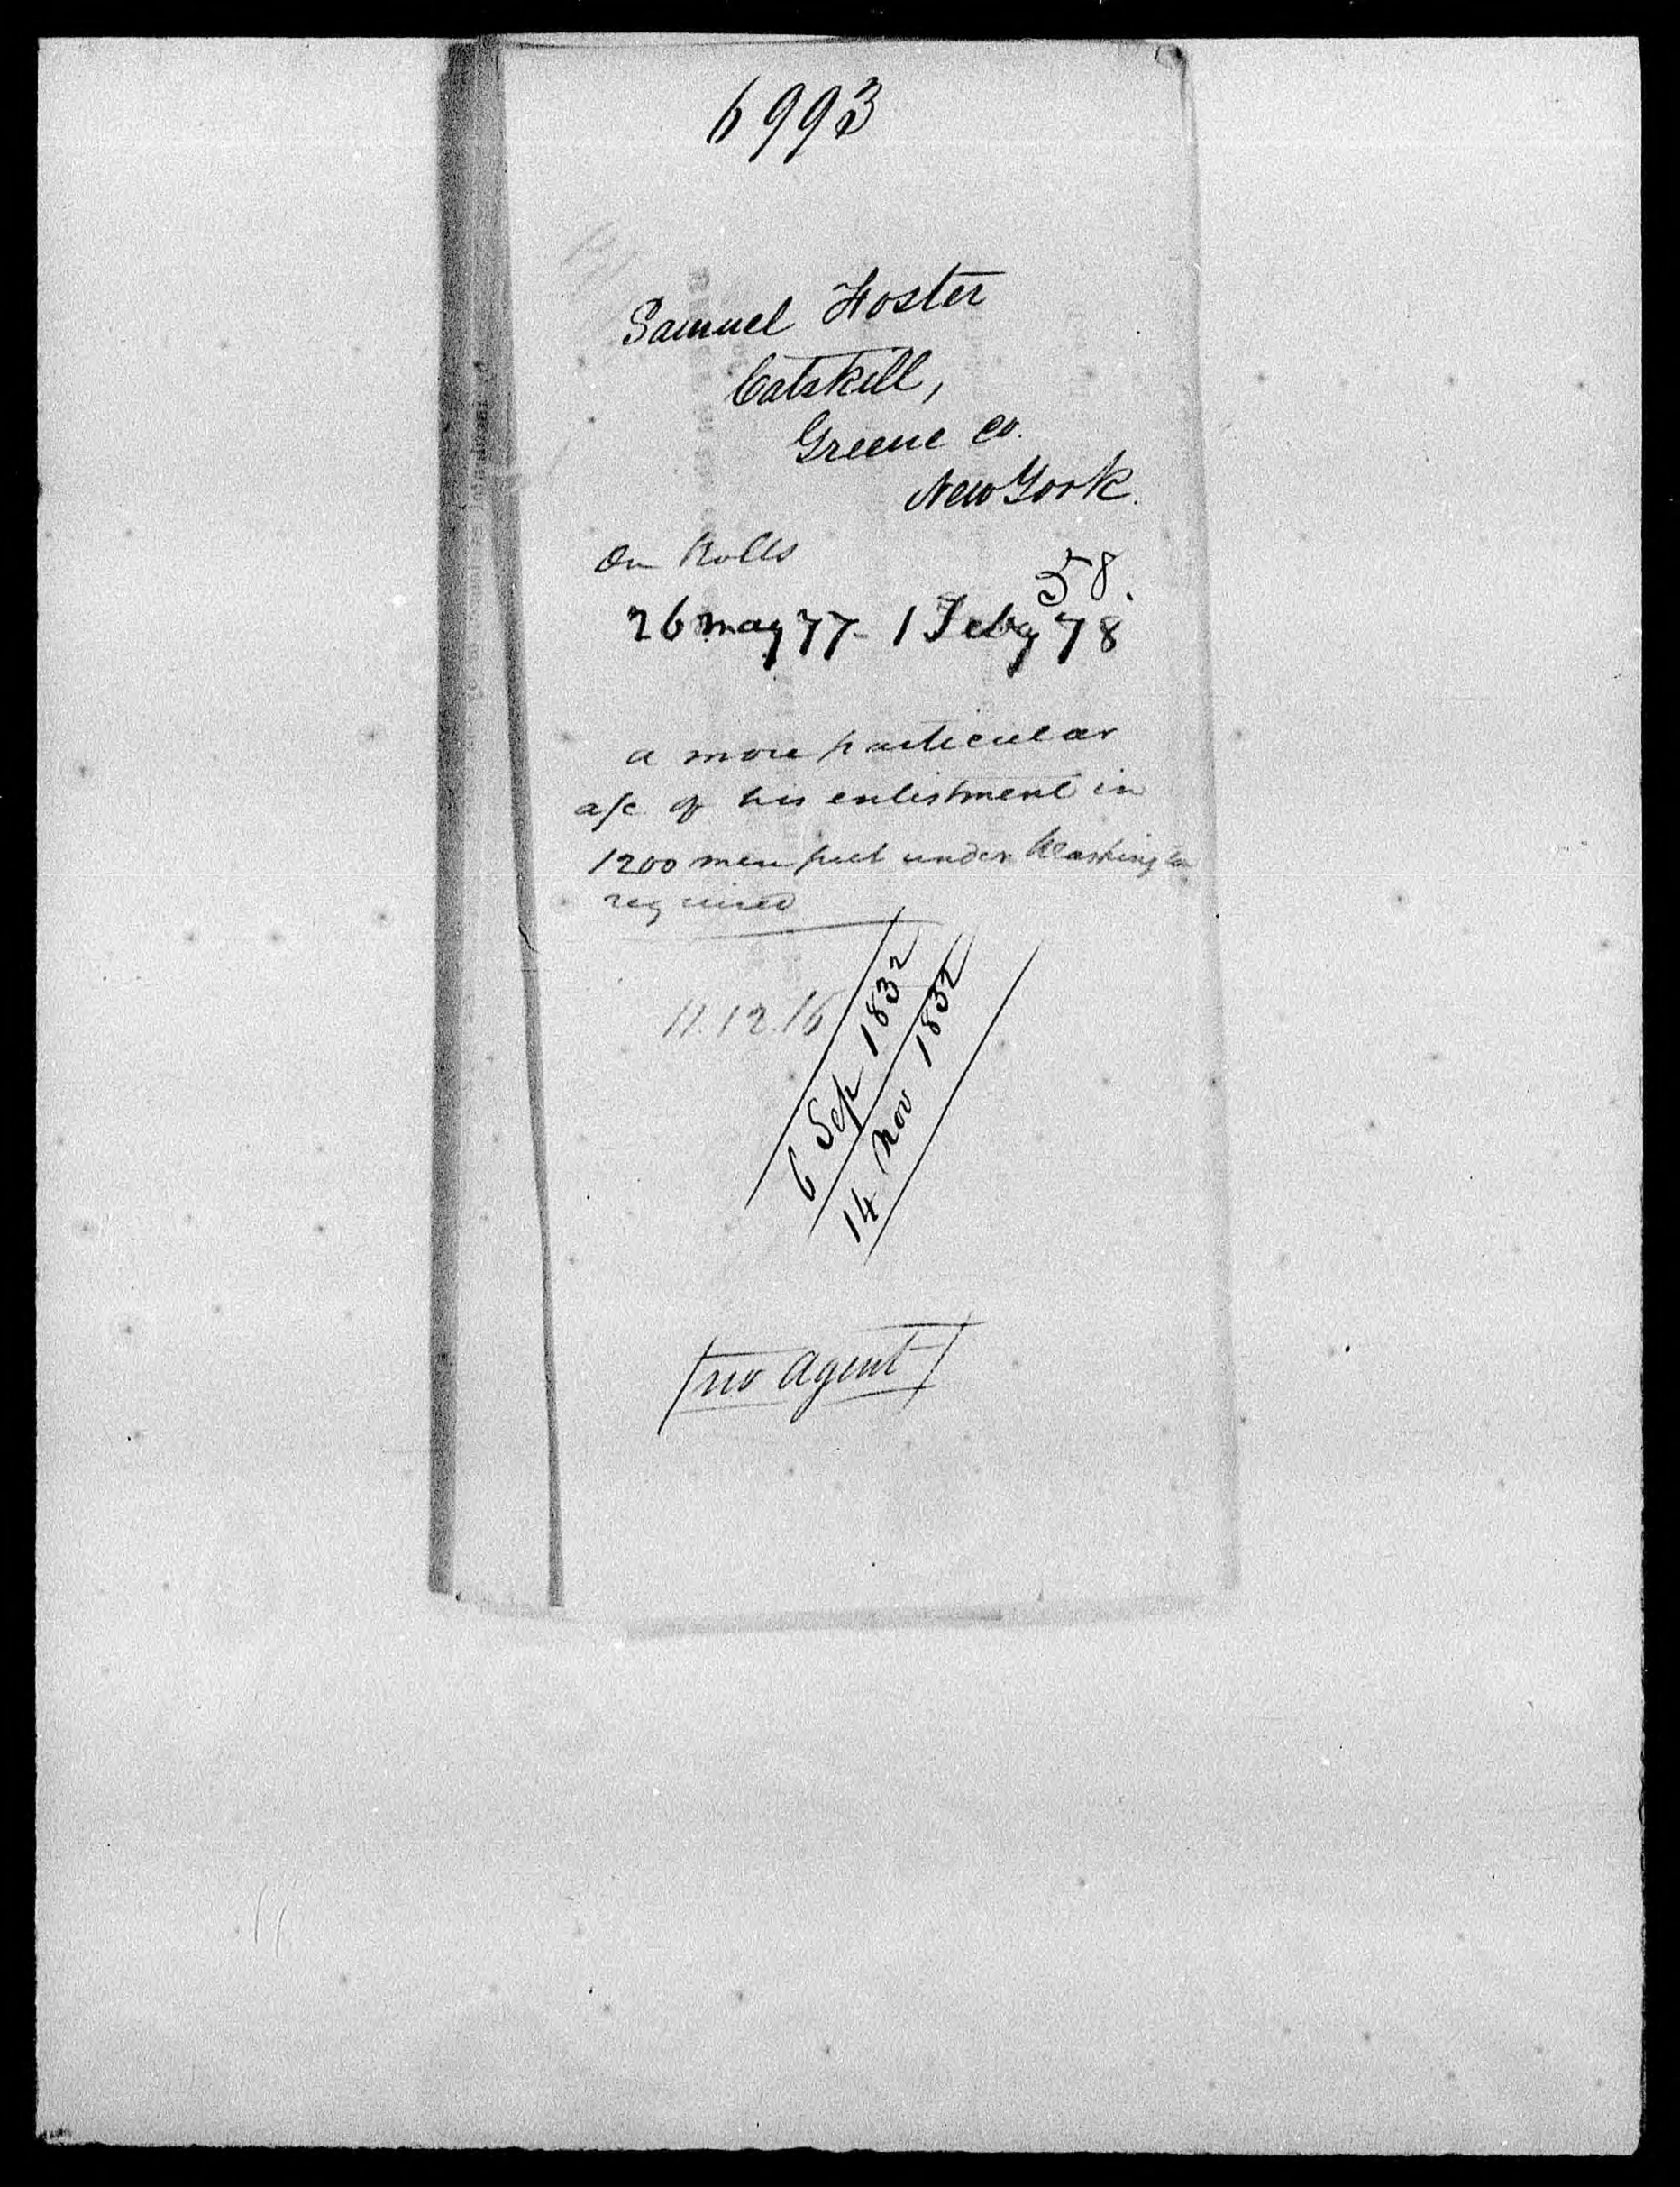6993
Samuel Foster
Catskill, 
Greene Co.
New York
58.
on rolls
26 May 77- 1 Feby 78
a more particular a/c of his enlistment in 1200 men pick under Washington required
11.12.16
6 Sep 1832
14 Nov 1832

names: Samuel Foster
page: 9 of 54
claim: survivor's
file: S. 13,043, Samuel Foster, Conn.